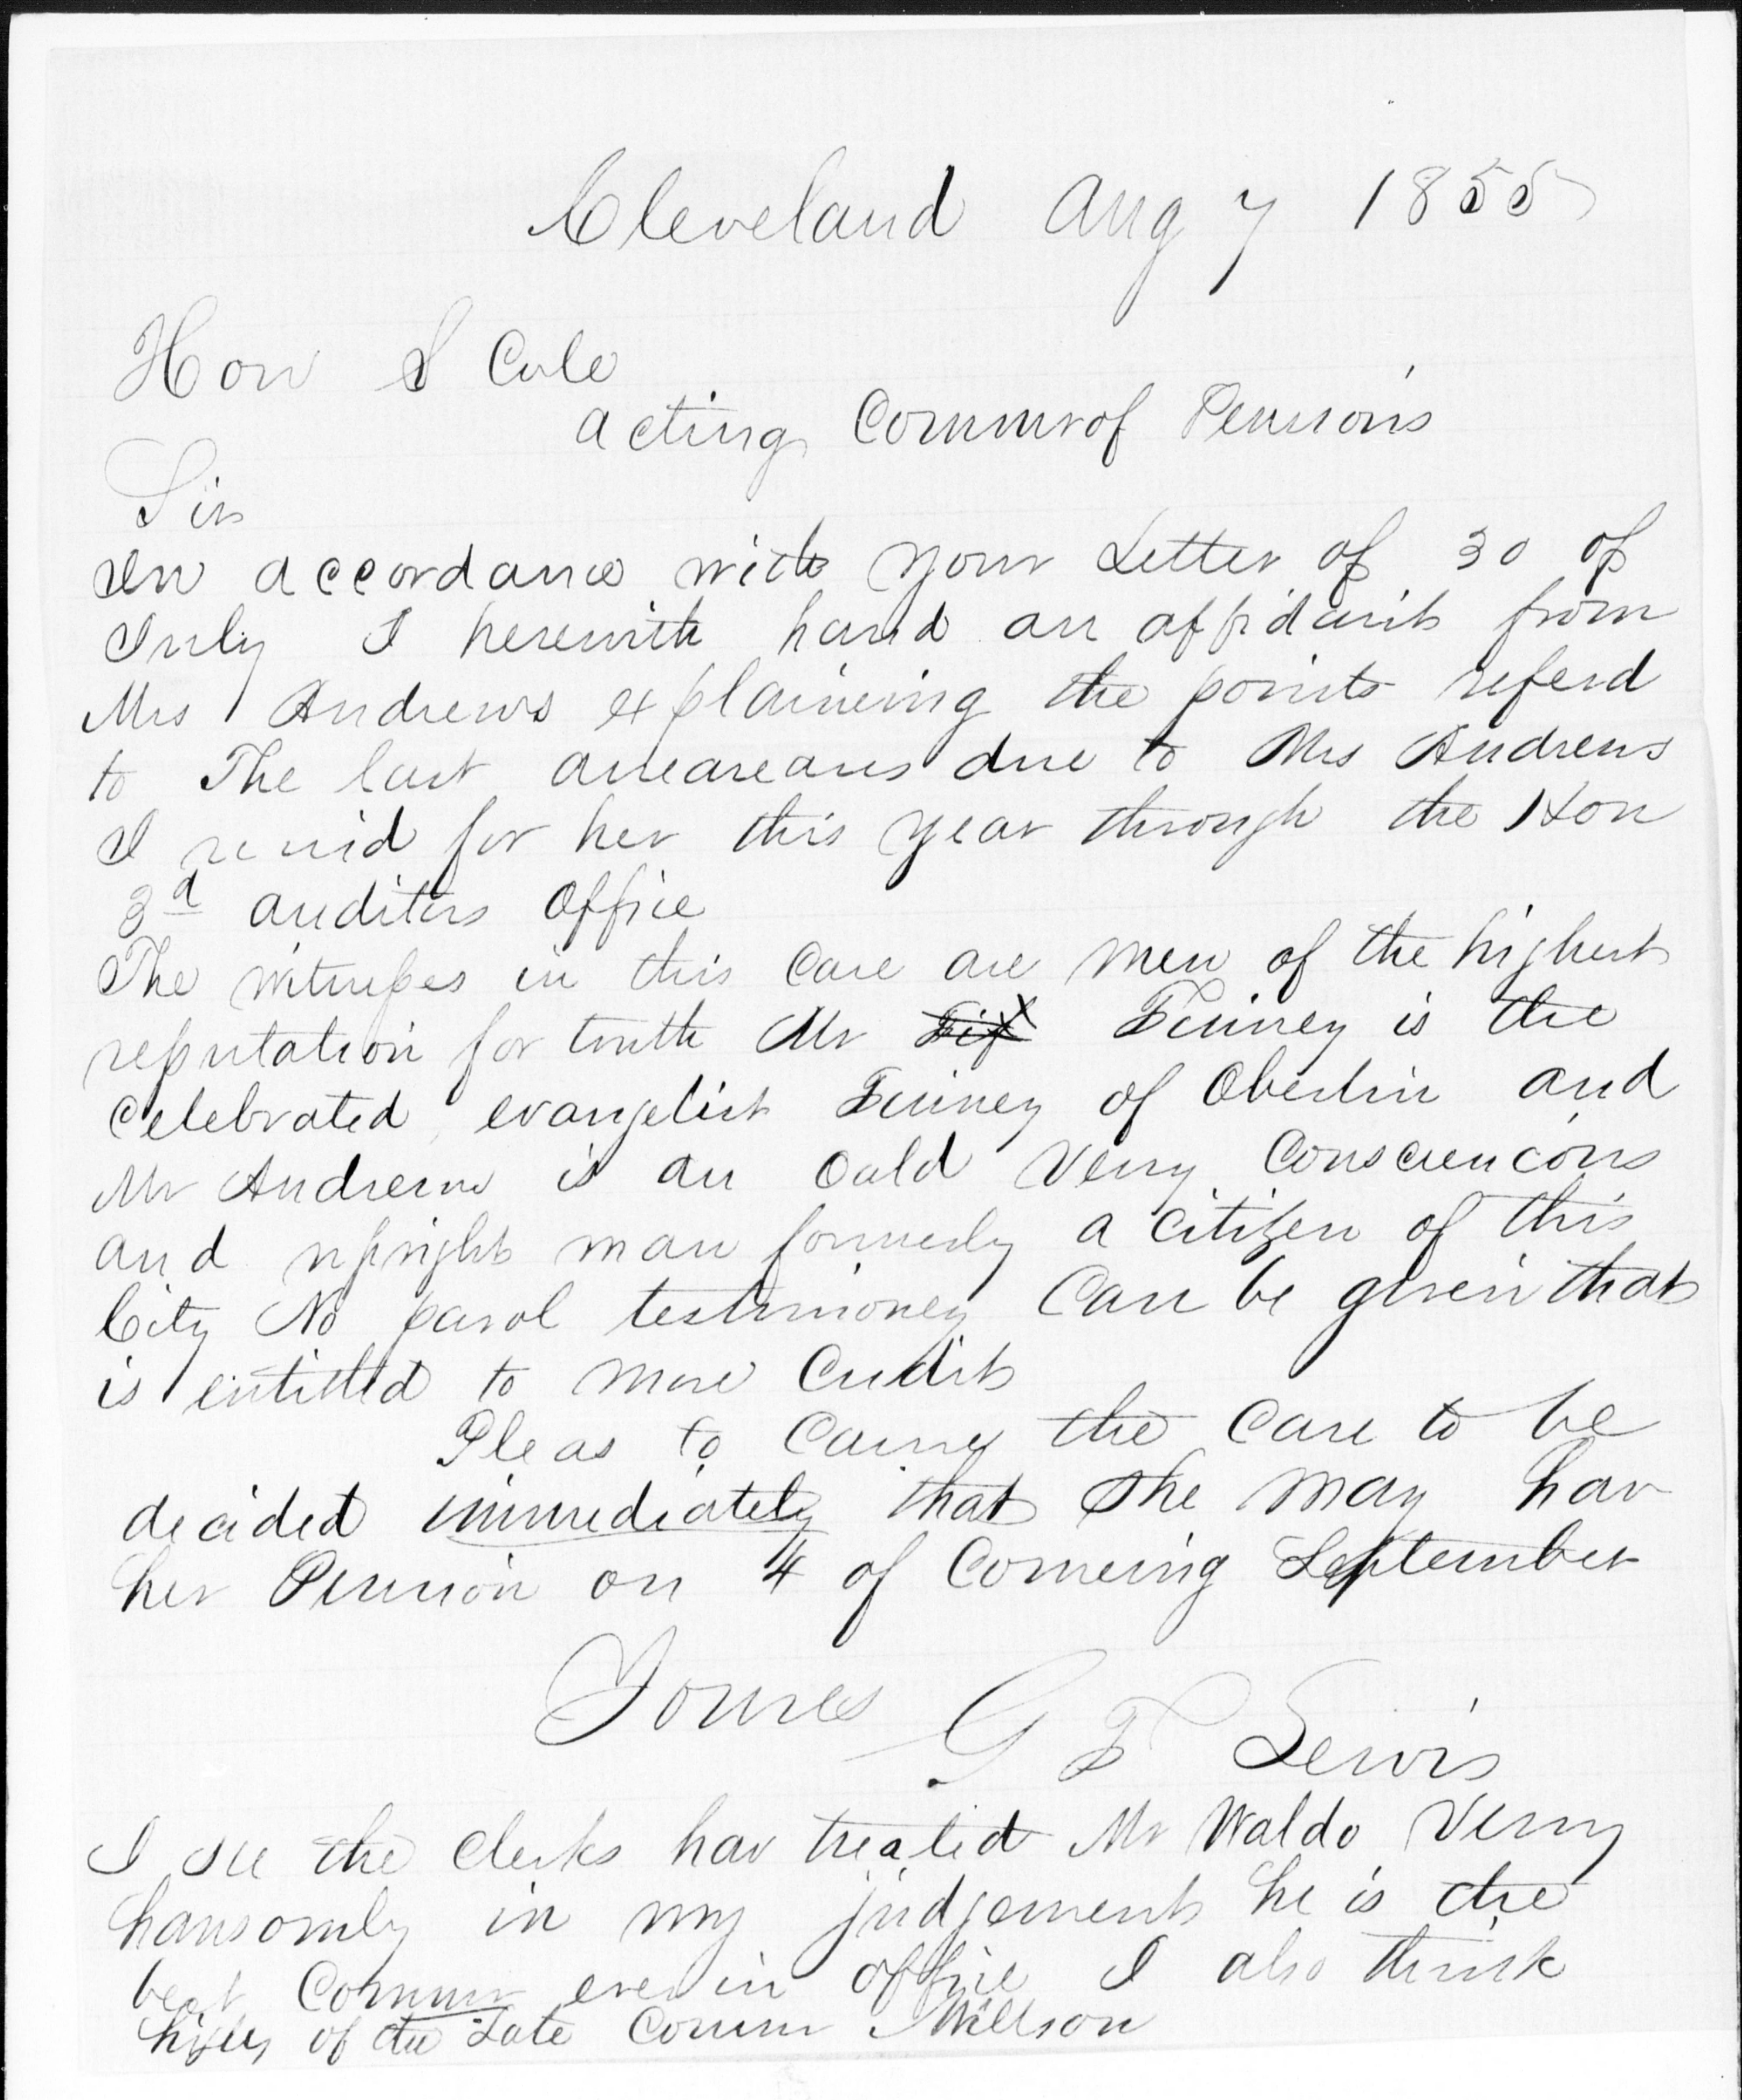Cleveland Aug 7 1855
Hon S Cole
acting Commr of Pensions
Sir
In accordance with your letter of 30 of
July I herewith hand an affidavit from
Mrs Andrews explaining the points referd
to the last arrearans due to Mrs Andrews
I remid for her this year through the
3d auditers office, 
The witnesses in this case are men of the highest
reputation for truth Mr Finney is the
celebrated evangelist Finney of Oberlin and
Mr Andrews is an oald very Consciencons
and upright man formerly a citizen of this
Dity No paral testimony can be given that
is entittled to more Credit
Pleas to carry case to be
decided immediately on 4 of Coming September
Yours
G F Lewis
I see the clerks have treated Mr Waldo very
handsomly in my judgement he is the
best Commr ever in office I also think
highly of the Late Comm Milton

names: Andrews, G F Lewis, Andrews, Andrews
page: 41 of 78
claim: widow's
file: W. 4117, Nathaniel Bradley, Conn.